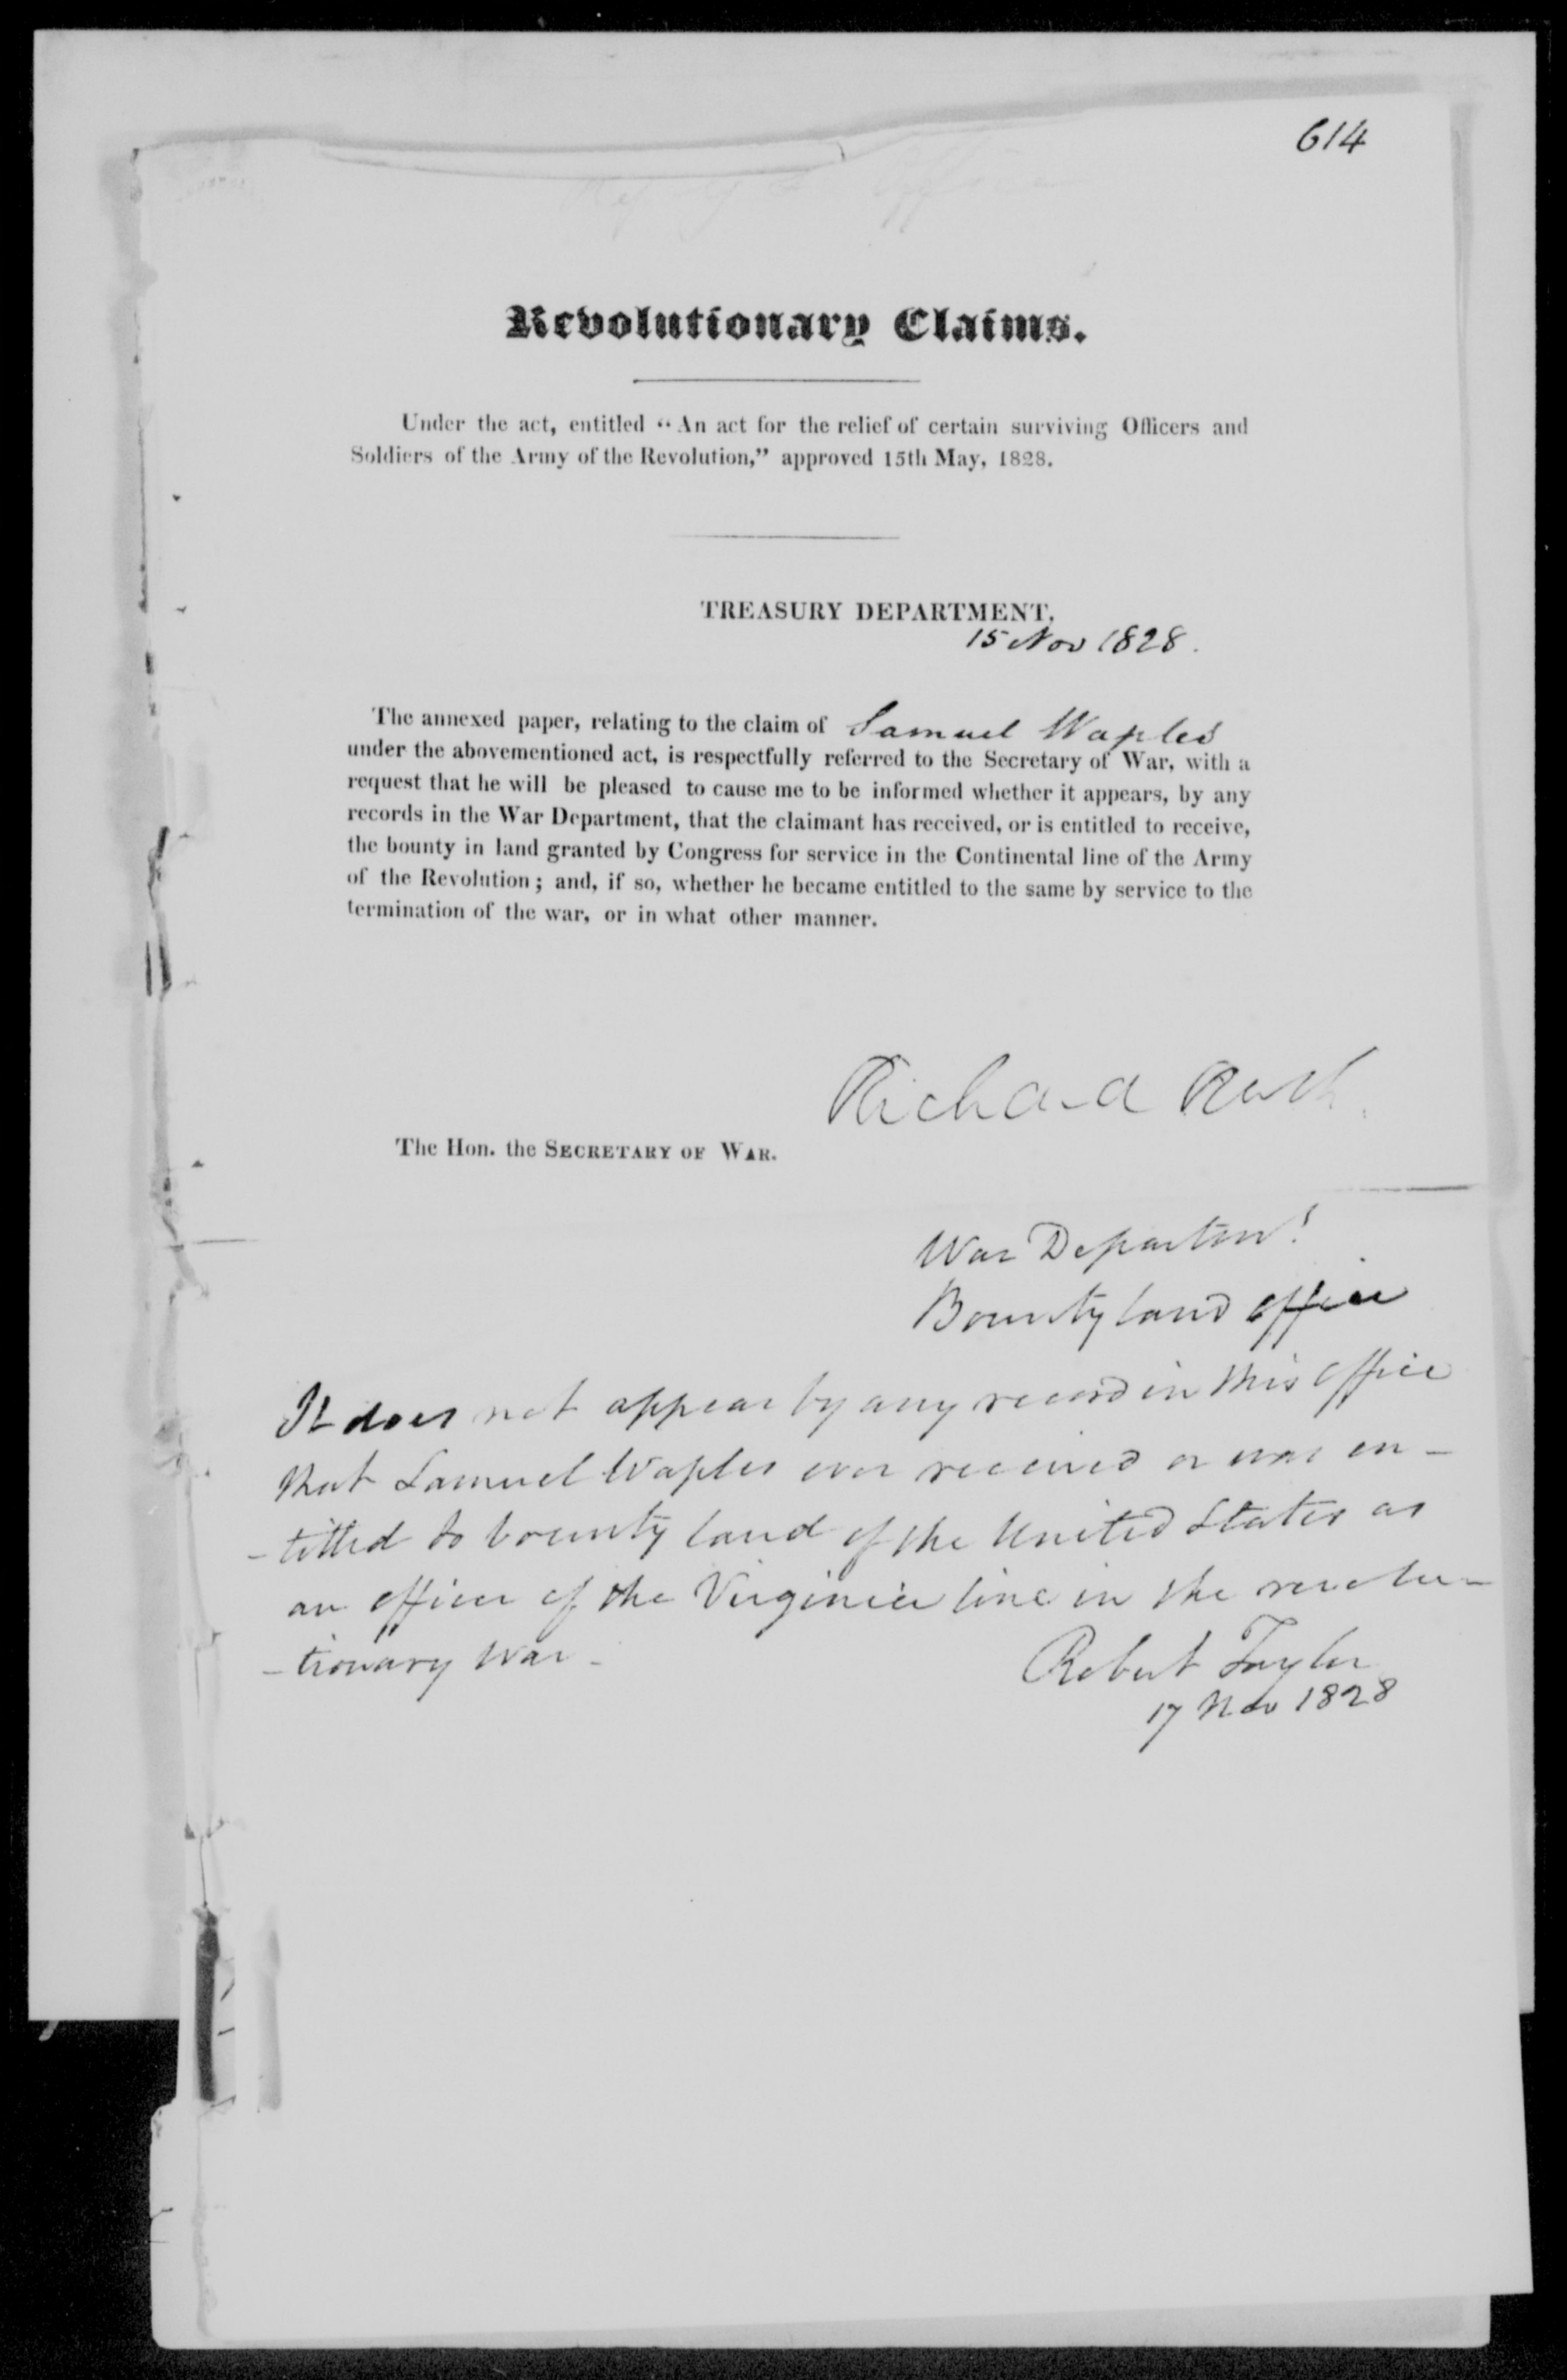614
Revolutionary Claims.
Under the act, entitled "An act for the relief of certain surviving Officers and Soldiers of the Army of the Revolution," approved 15th May, 1828.

TREASURY DEPARTMENT,
15 Nov 1828.
The annexed paper, relating to the claim of Samuel Waples under the abovementioned act, is respectfully referred to the Secretary of War, with a request that he will be pleased to cause me to be informed whether it appears, by any records in the War Department, that the claimant has received, or is entitled to receive, the bounty in land granted by Congress for service in the Continental line of the Army of the Revolution; and, if so, whether he became entitled to the same by service ot the termination of the war, or in what other manner.

Richard Rush
The Hon. the SECRETARY OF WAR.

War Departmt.
Bounty Land office
It does not appear by any record in this Office that Samuel Waples ever received or was entitled to bounty land of the United States as an officer of the Virginia line in the revolutionary War - 
Robert Taylor
17 Nov 1828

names: Samuel Waples, Richard Rush, Robert Taylor, Samuel Waples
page: 47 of 59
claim: widow's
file: W. 6427, Samuel Waples, Va.